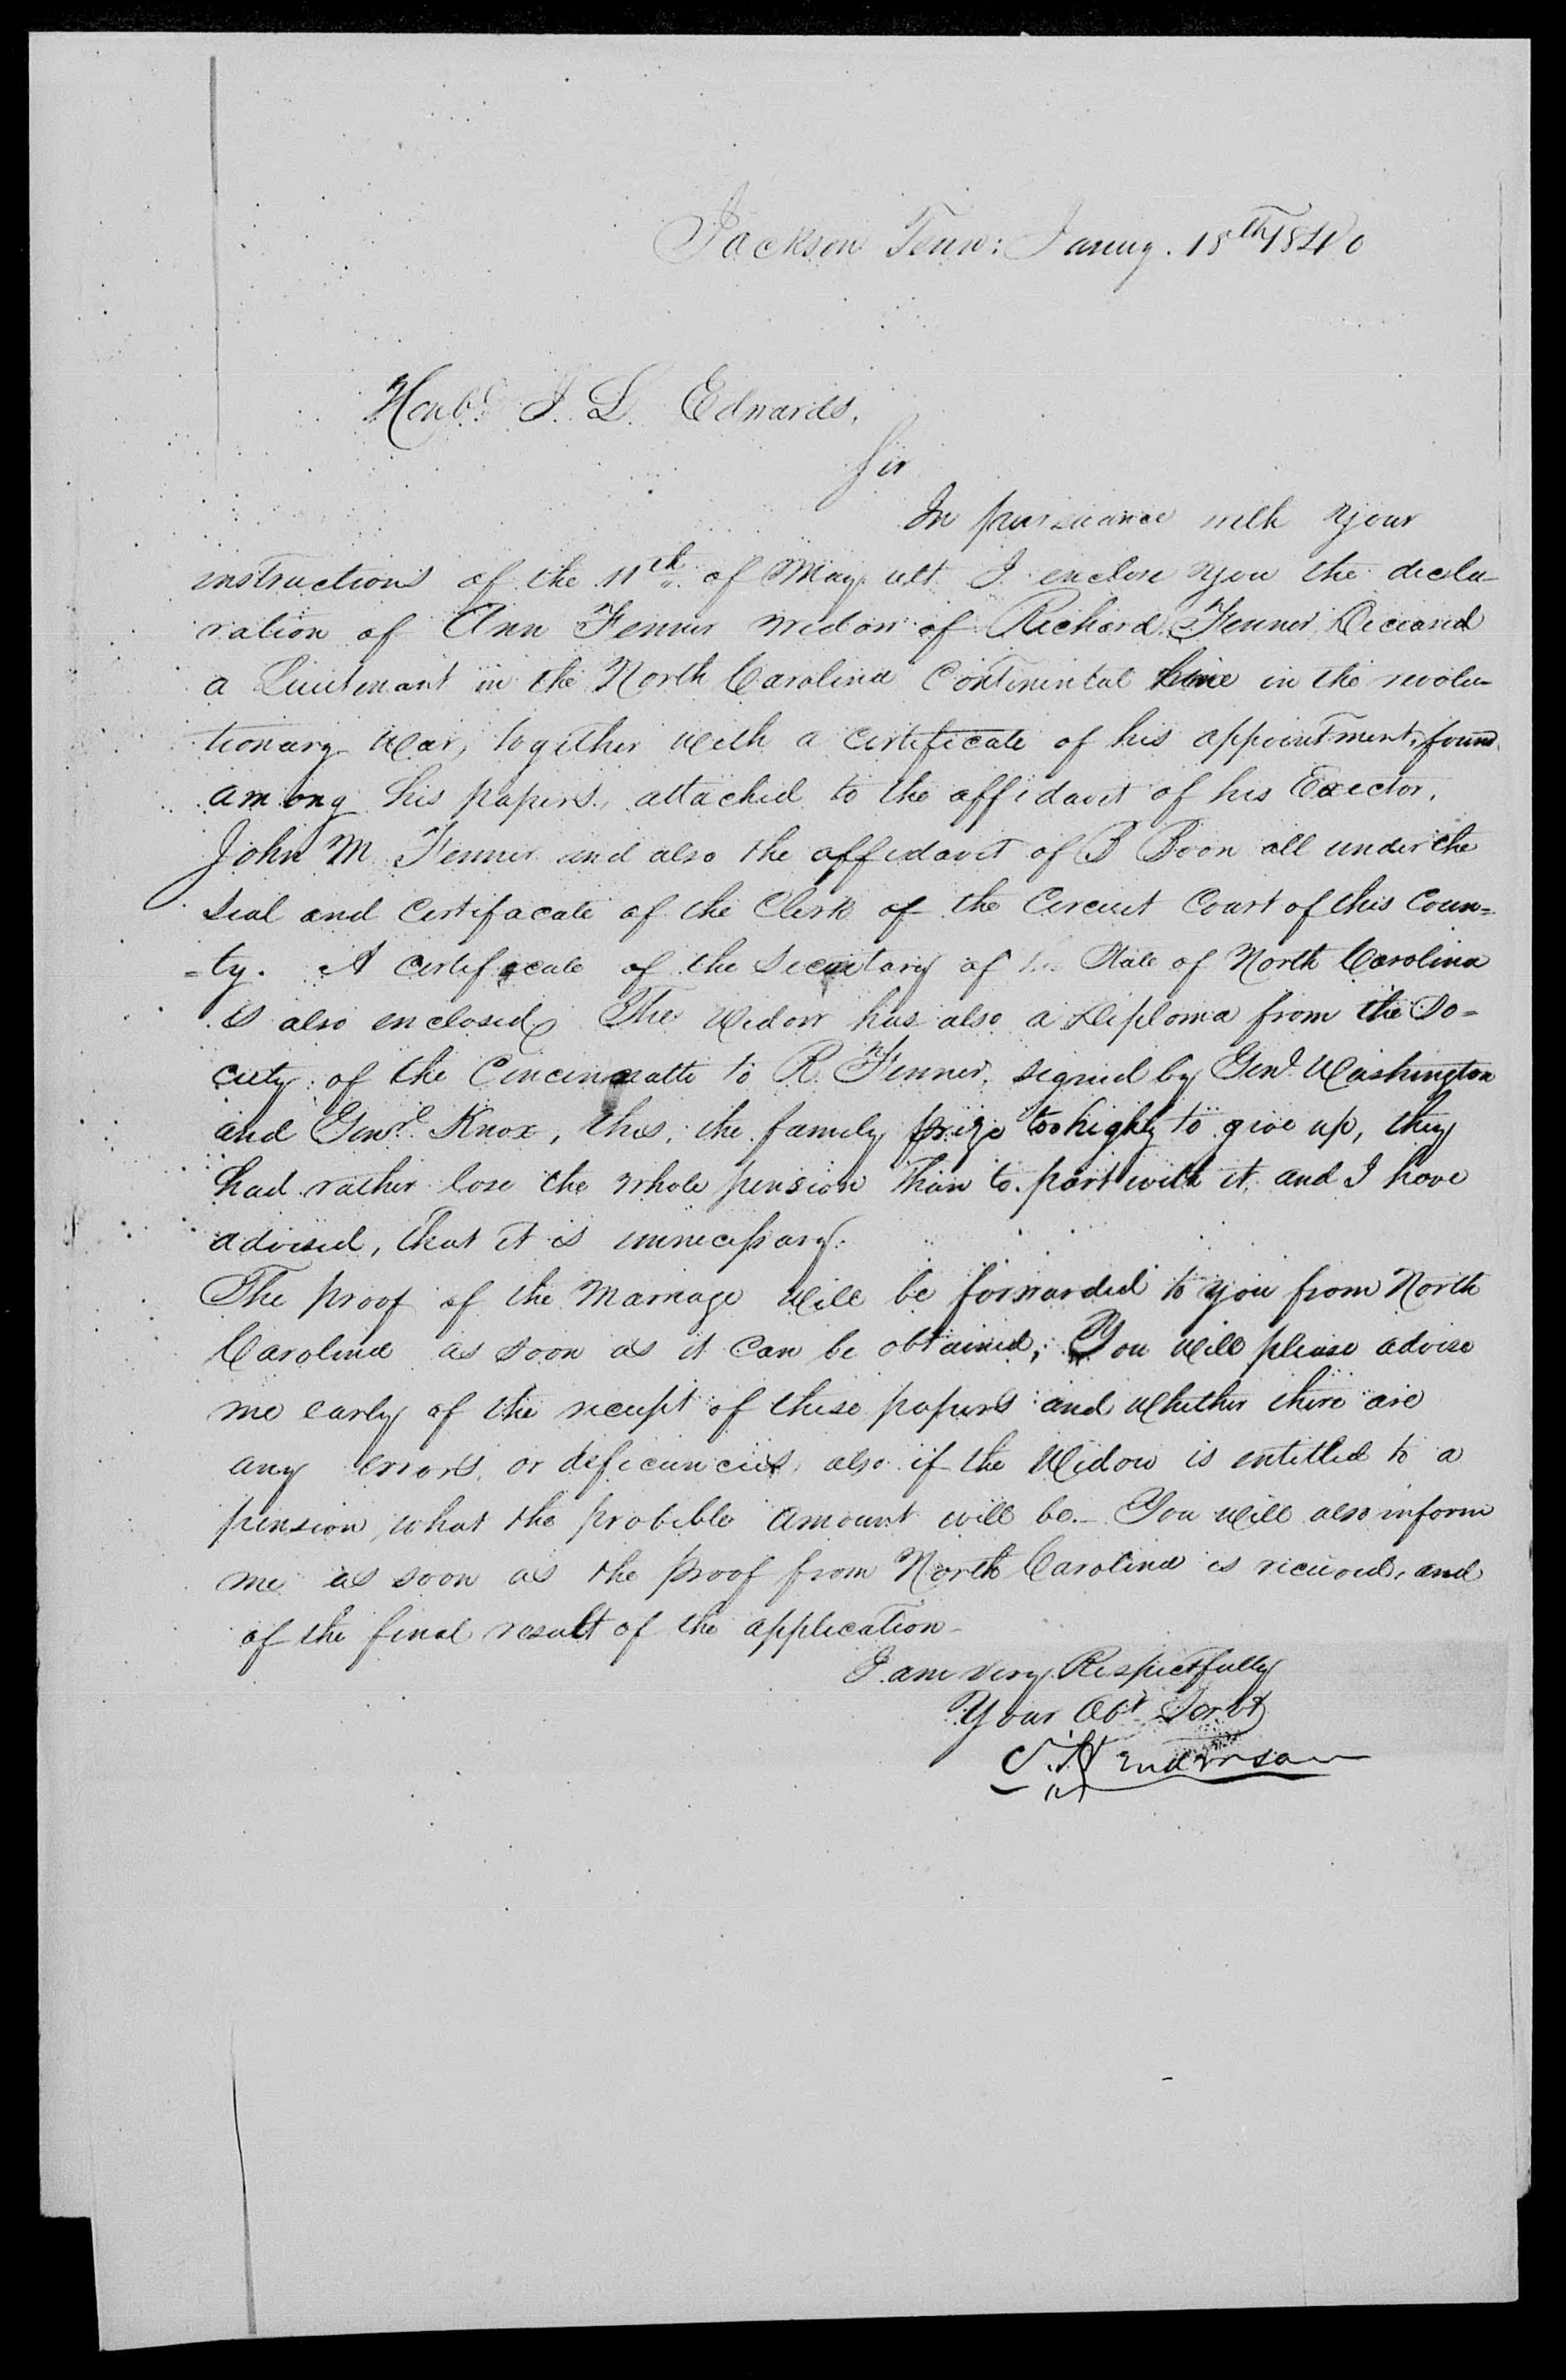Jackson Tenn: Januy 18th 1840

Honbl. J. L. Edwards,

Sir
In pursuance with your instruction of the 11th of May [illegible] I enclose you the declaration of Ann Fenner widow of Richard Fenner Deceased a Lieutenant in the North Carolina Continental line in the revolutionary war, together with a certificate of his appointment found among his papers, attached to the affidavit of his Exector, John M. Fenner and also the affidavit of B. Boon all under the Seal and Certifacate [certificate] of the Clerk of the Circuit Court of this County.  A certificate of the Secretary of the State of North Carolina is also enclosed.  The Widow has also a Diploma from the Society of the Cincinnatti to R. Fenner signed by Gen. Washington and Gen. Knox, thus , the family prize too highly to give up, they had rather lose the whole pension than to part with it, and I have advised that it is [illegible]

The proof of the marriage will be forwarded to you from North Carolina as soon as it can be obtained, You will please advise me early of the receipt of these papers and whether there are any errors, or deficiencies also if the Widow is entitled to a pension, what the probable amount will be.  You will also inform me as soon as the proof from North Carolina is received and of the final result of the application

I am very Respectfully
You obt. servt

C.H. Henderson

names: Washington, C Henderson, Richard Fenner, John M Fenner, Knox, Ann Fenner, B Boon, J L Edwards, R Fenner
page: 28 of 39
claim: widow's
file: W. 789, Richard Fenner, N.C.